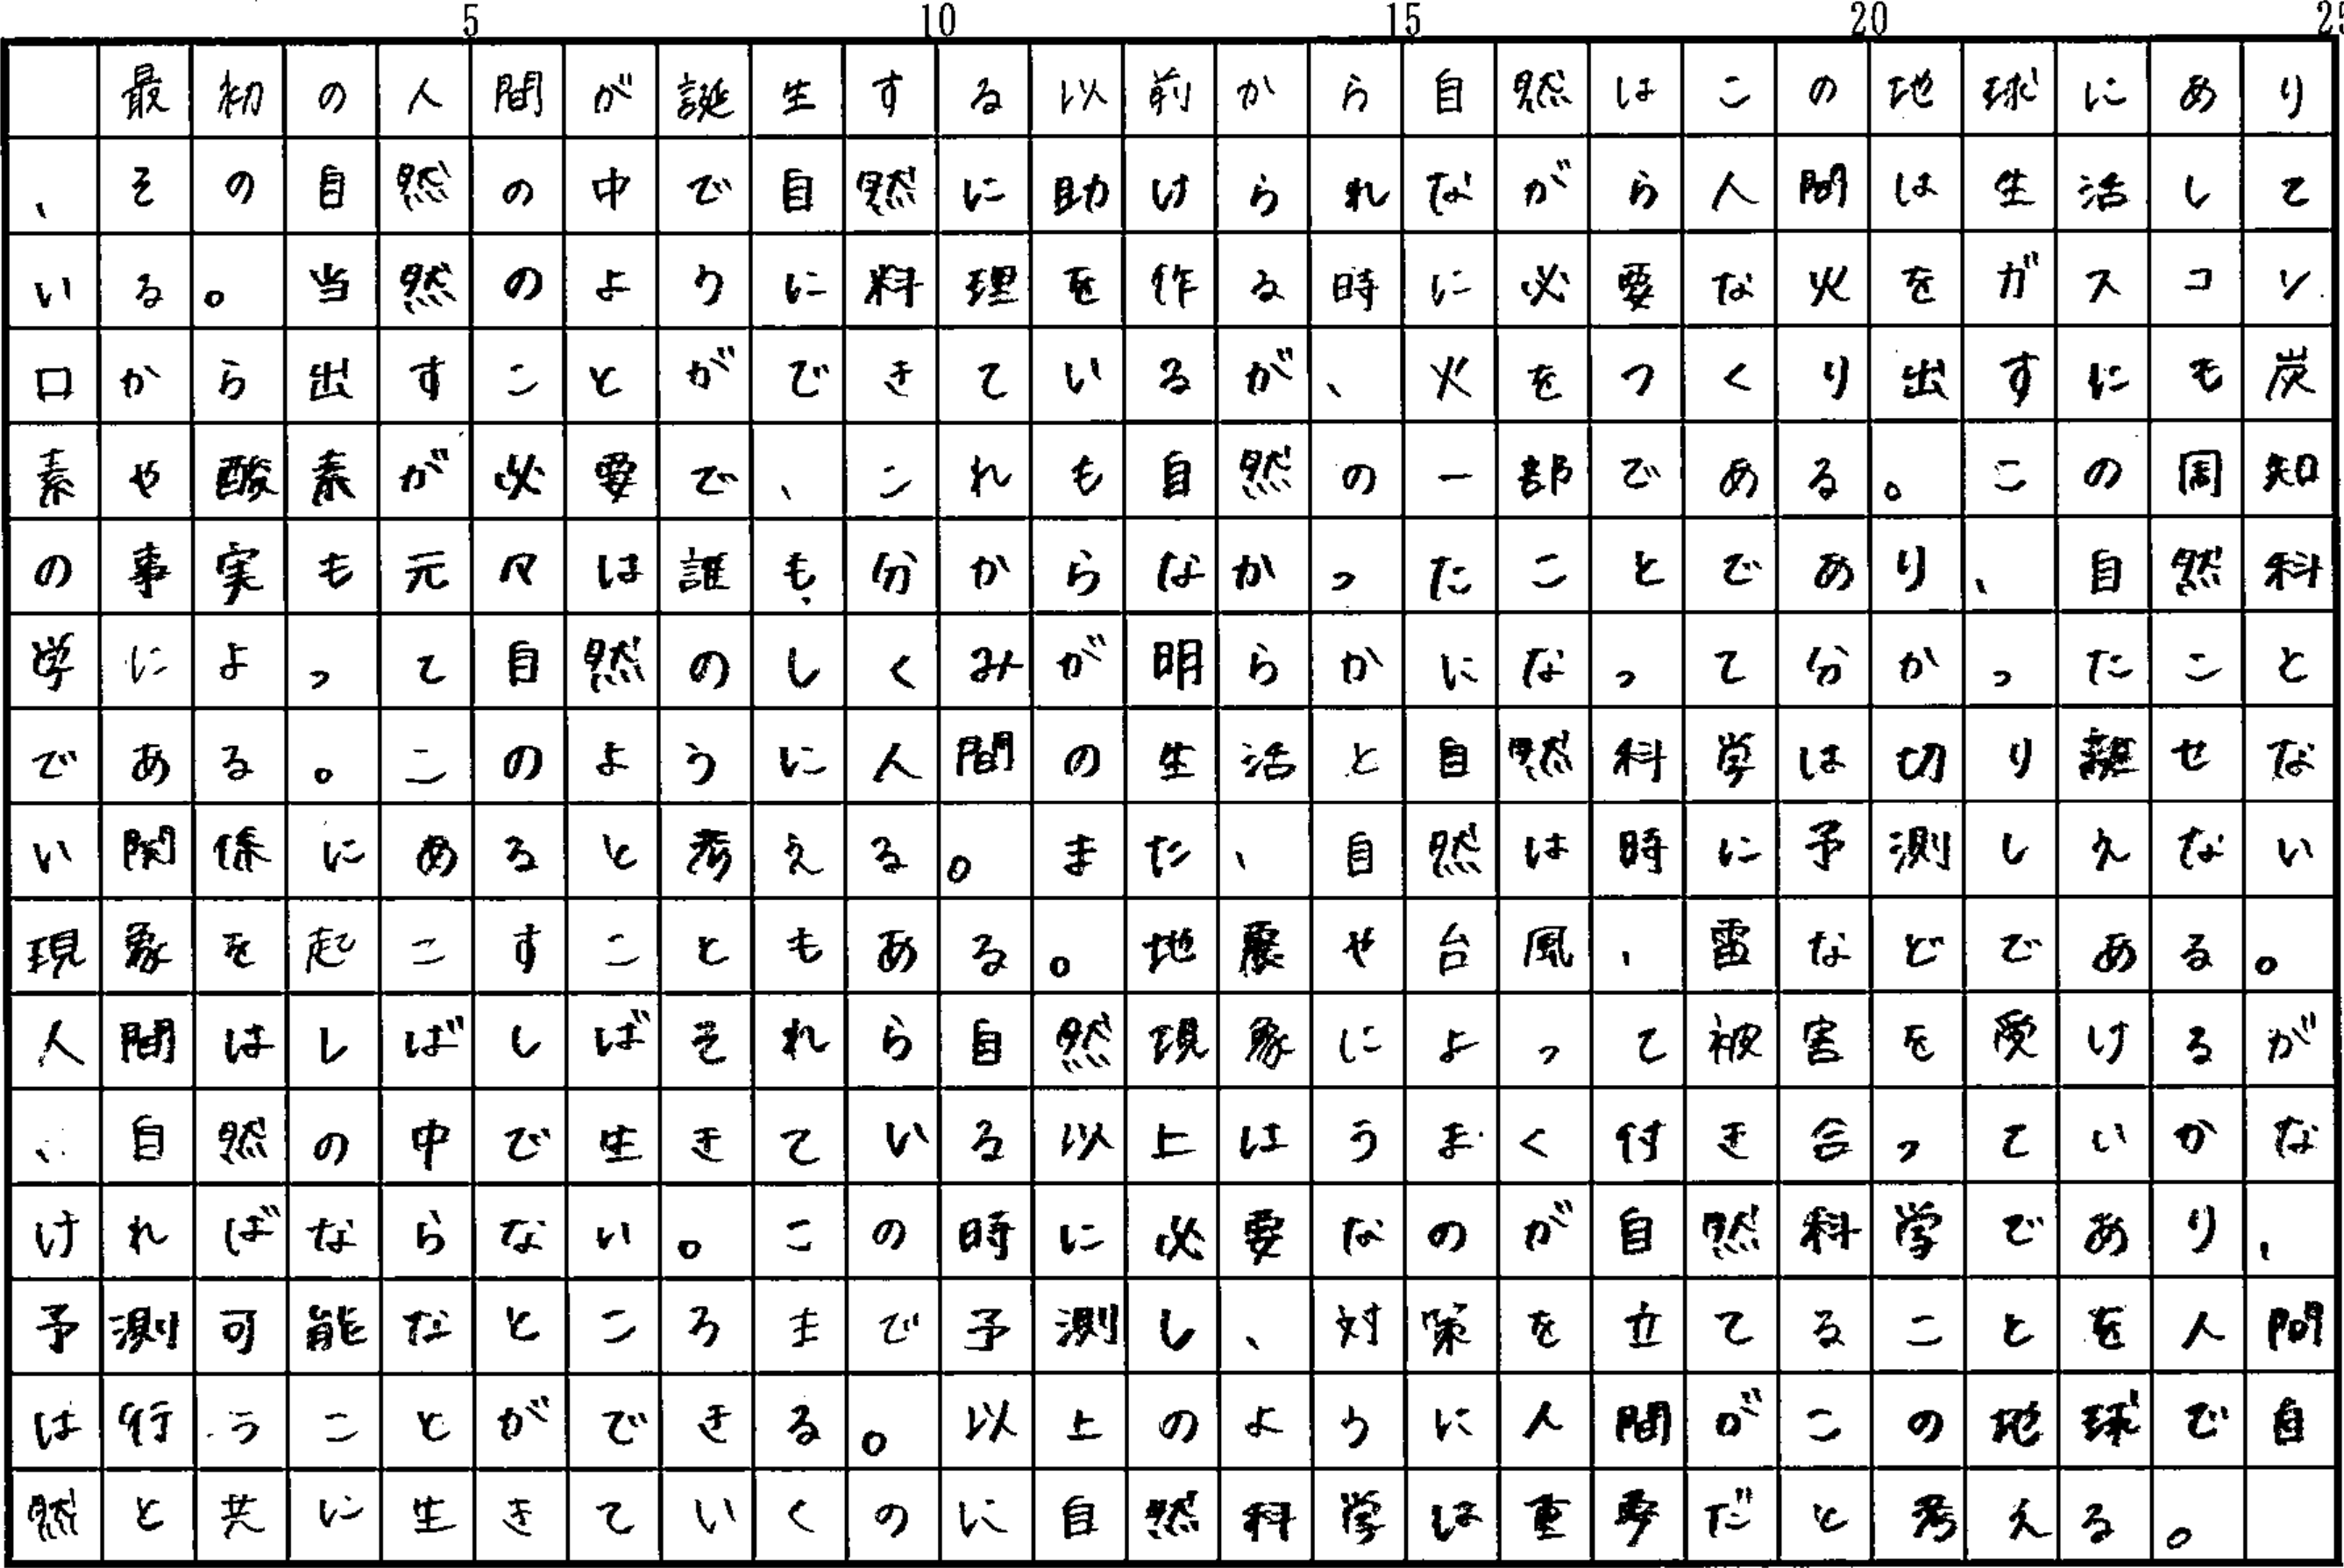　最初の人間が誕生する以前から自然はこの地球にあり、その自然の中で自然に助けられながら人間は生活している。当然のように料理を作る時に必要な火をガスコンロから出すことができているが、火をつくり出すにも炭素や酸素が必要で、これも自然の一部である。この周知の事実も元々は誰も分からなかったことであり、自然科学によって自然のしくみが明らかになって分かったことである。このように人間の生活と自然科学は切り離せない関係にあると考える。また、自然は時に予測しえない現象を起こすこともある。地震や台風、雷などである。人間はしばしばそれら自然現象によって被害を受けるが、自然の中で生きている以上はうまく付き合っていかなければならない。この時に必要なのが自然科学であり、予測可能なところまで予測し、対策を立てることを人間は行うことができる。以上のように人間がこの地球で自然と共に生きていくのに自然科学は重要だと考える。
